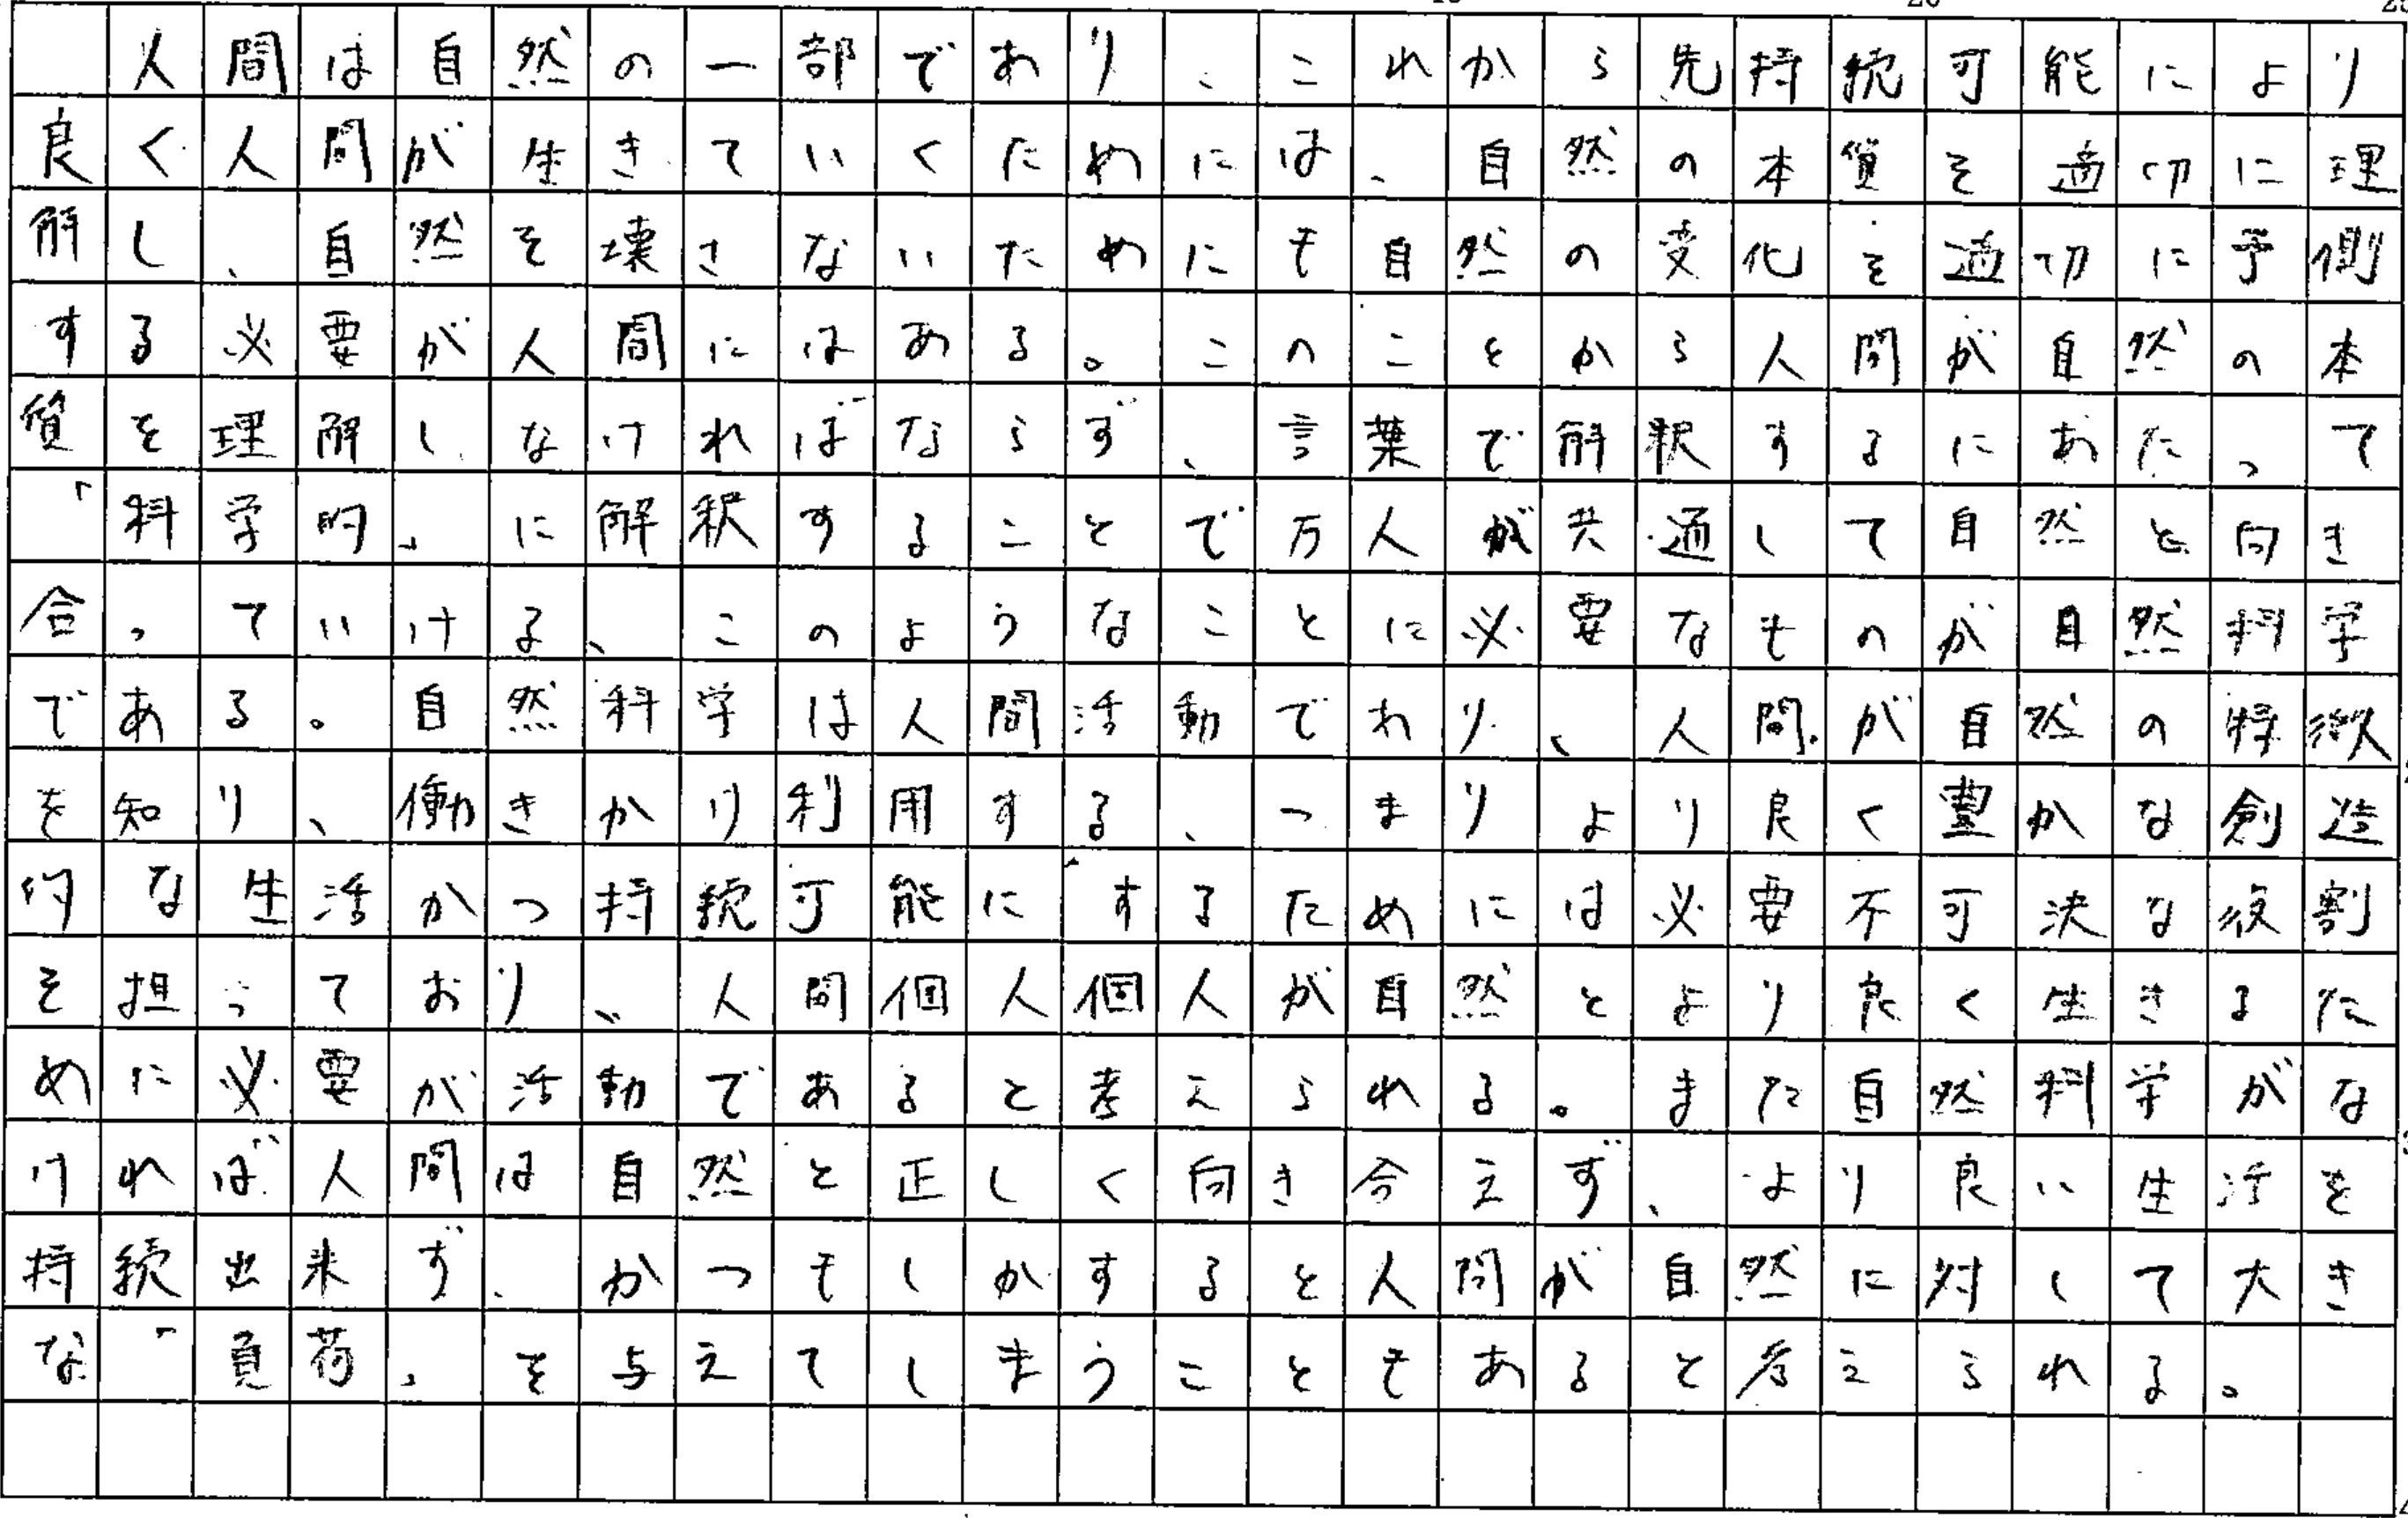　人間は自然の一部であり、これから先持続可能により良く人間が生きていくためには、自然の本質を適切に理解し、自然を壊さないためにも自然の変化を適切に予側する必要が人間にはある。このことから人間が自然の本質を理解しなければならず、言葉で解釈するにあたって「科学的」に解釈することで万人が共通して自然と向き合っていける、このようなことに必要なものが自然科学である。自然科学は人間活動であり、人間が自然の特徴を知り、働きかけ利用する、つまりより良く豊かな創造的な生活かつ持続可能にするためには必要不可決な役割を担っており、人間個人個人が自然とより良く生きるために必要が活動であると考えられる。また自然科学がなければ人間は自然と正しく向き合えず、より良い生活を持続出来ず、かつもしかすると人間が自然に対して大きな「負荷」を与えてしまうこともあると考えられる。
